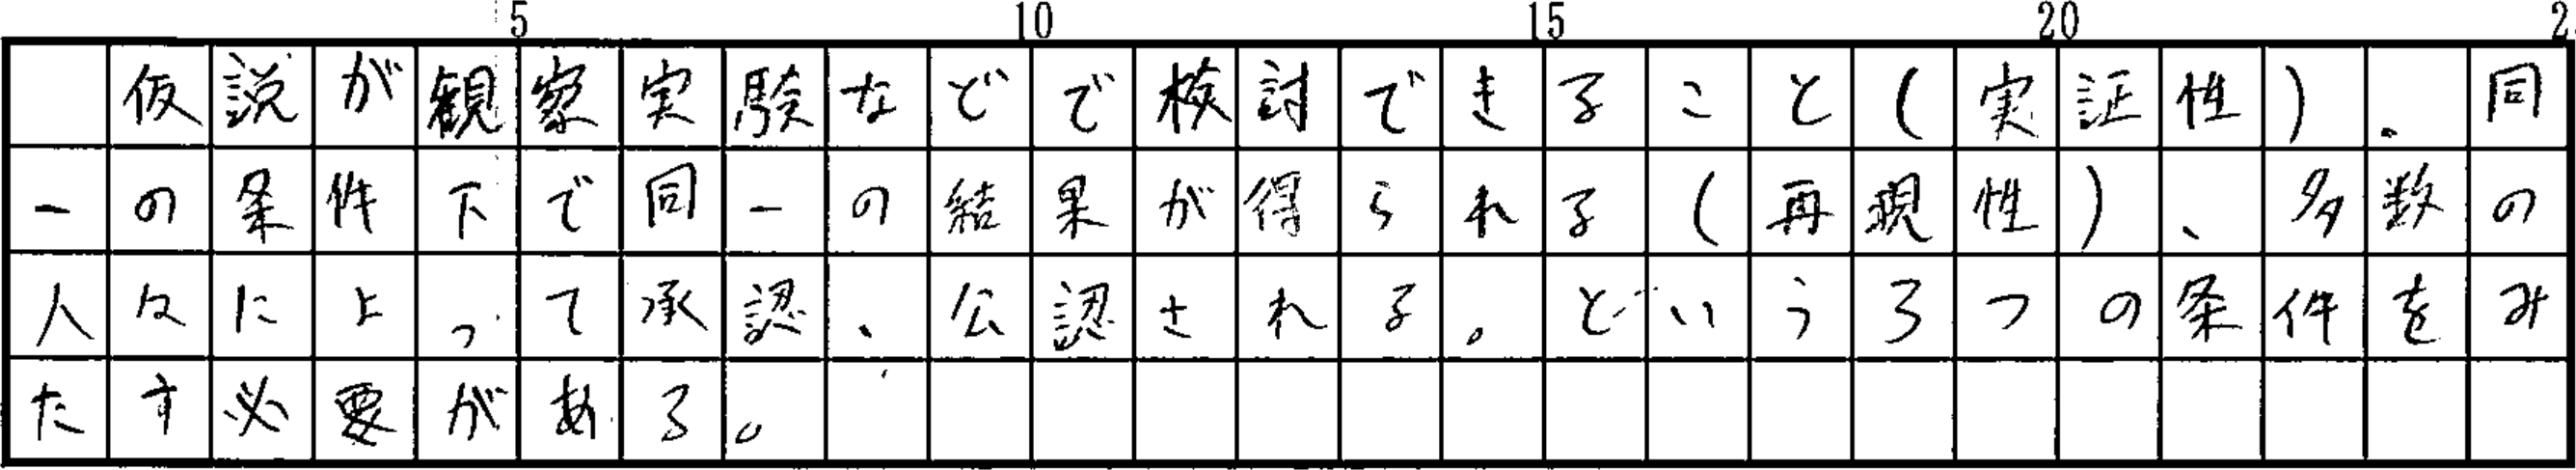　仮説が観察実験などで検討できること（実証性）、同一の条件下で同一の結果が得られる（再現性）、多数の人々によって承認、公認される、という３つの条件をみたす必要がある。
